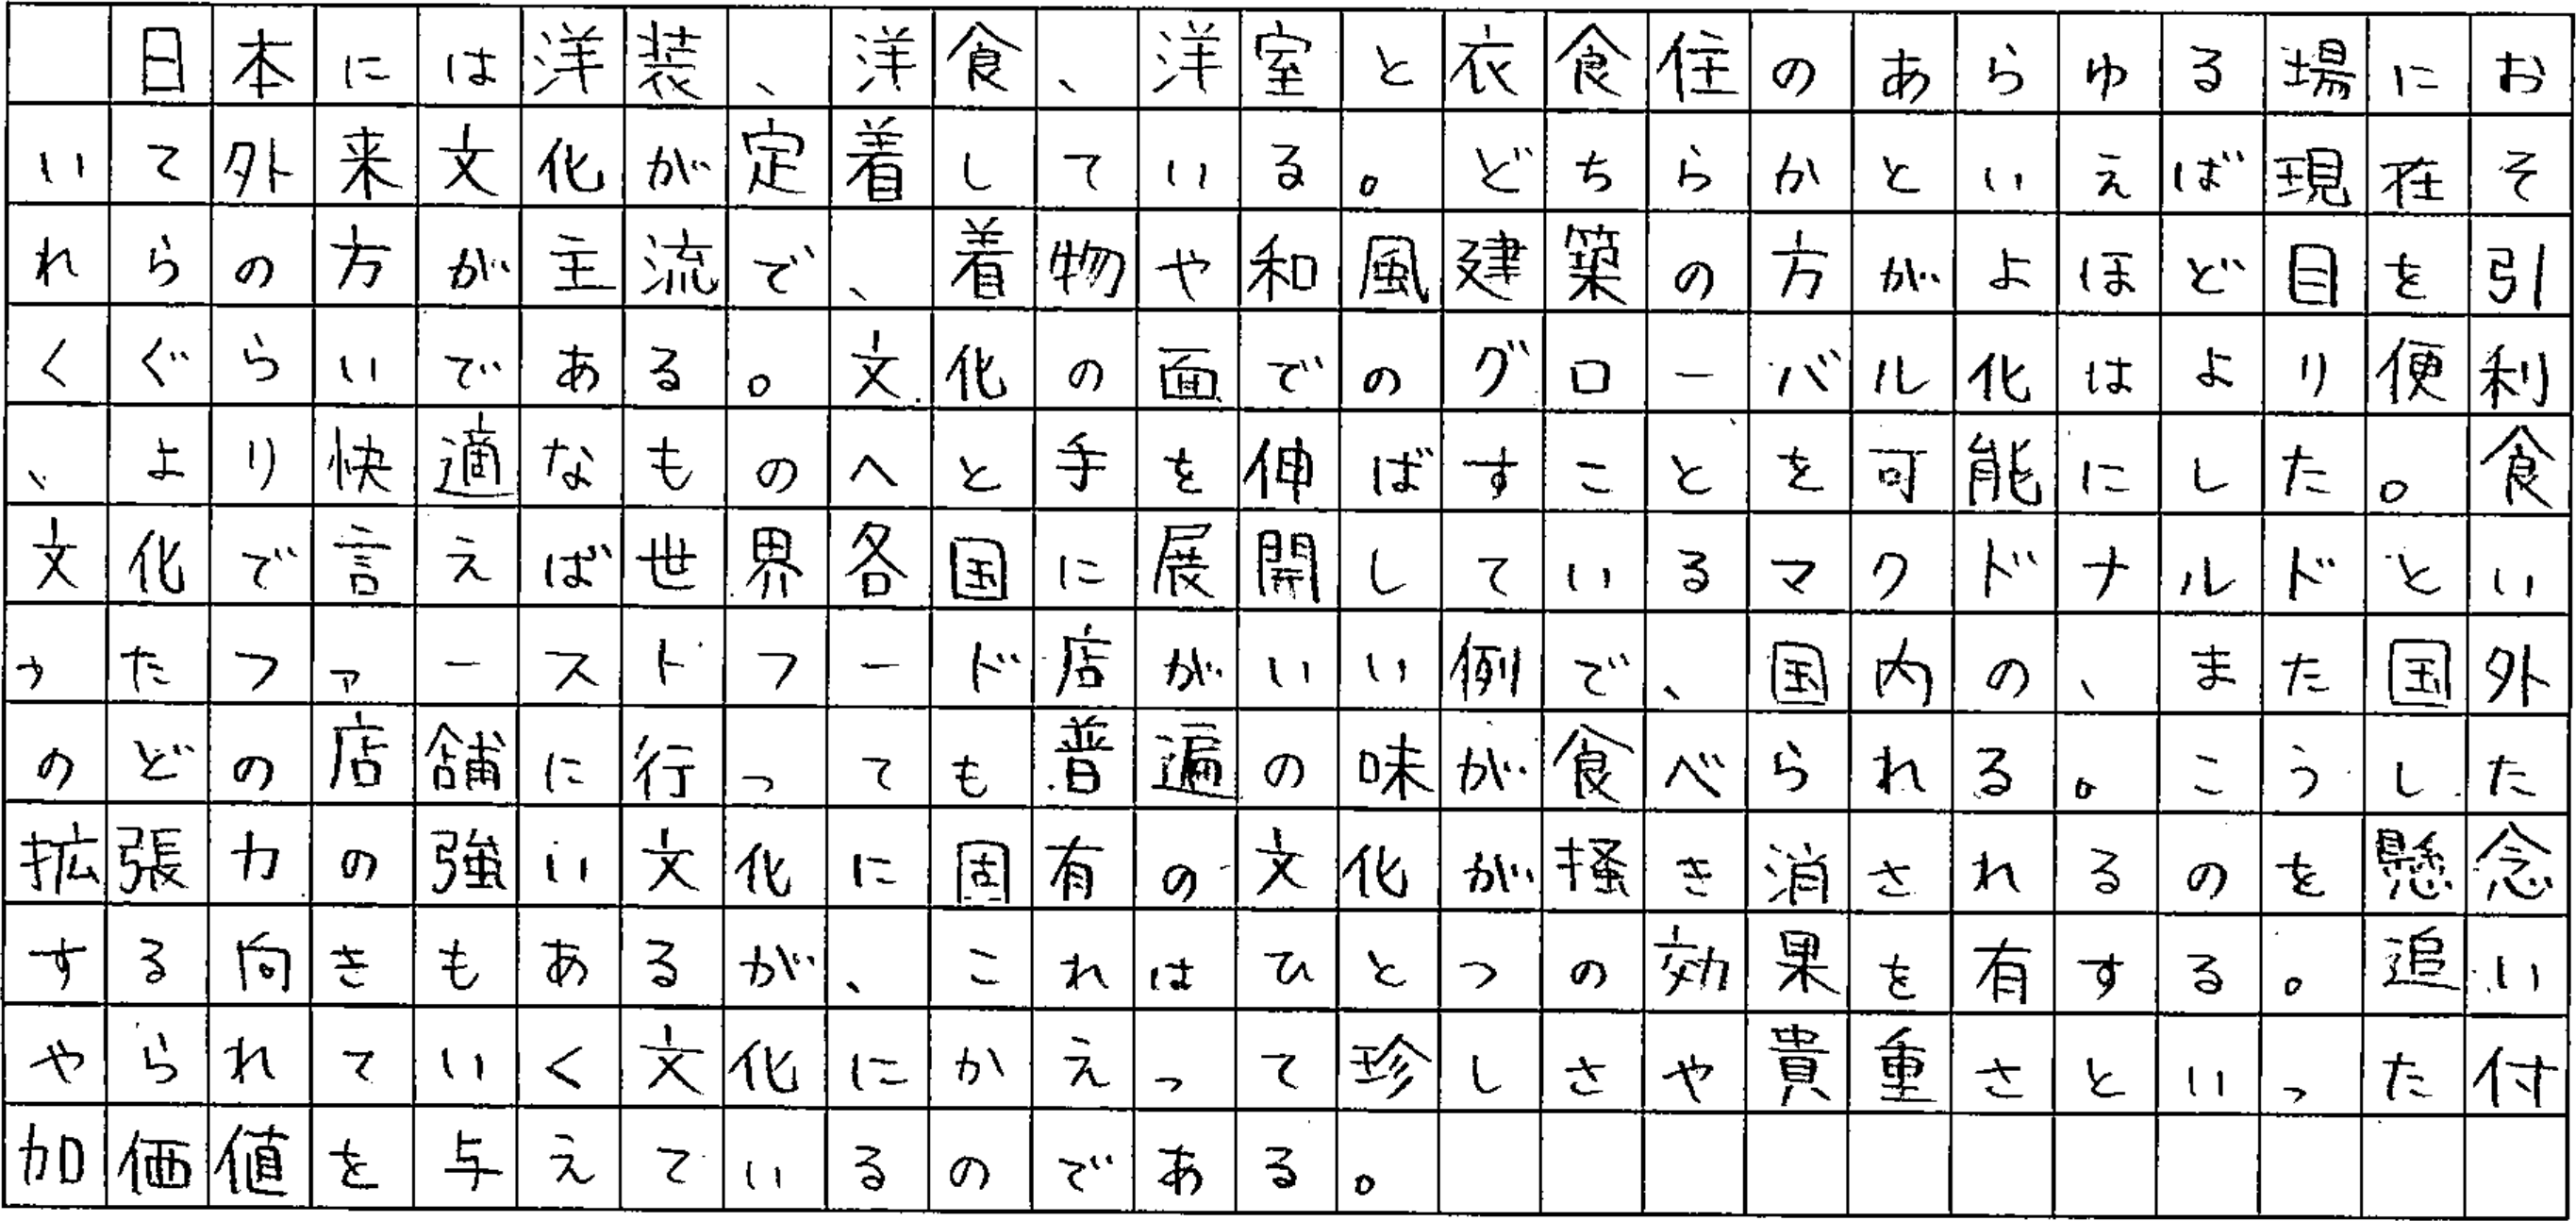　日本には洋装、洋食、洋室と衣食住のあらゆる場において外来文化が定着している。どちらかといえば現在それらのほうが主流で、着物や和風建築の方がよほど目を引くぐらいである。文化の面でのグローバル化はより便利、より快適なものへと手を伸ばすことを可能にした。食文化で言えば世界各国に展開しているマクドナルドといったファーストフード店がいい例で、国内の、また国外のどの店▁に行っても普遍の味が食べられる。こうした拡張力の強い文化に固有の文化が掻き消されるのを懸念する向きもあるが、これはひとつの効果を有する。追いやられていく文化にかえって珍しさや貴重さといった付加価値を与えているのである。
